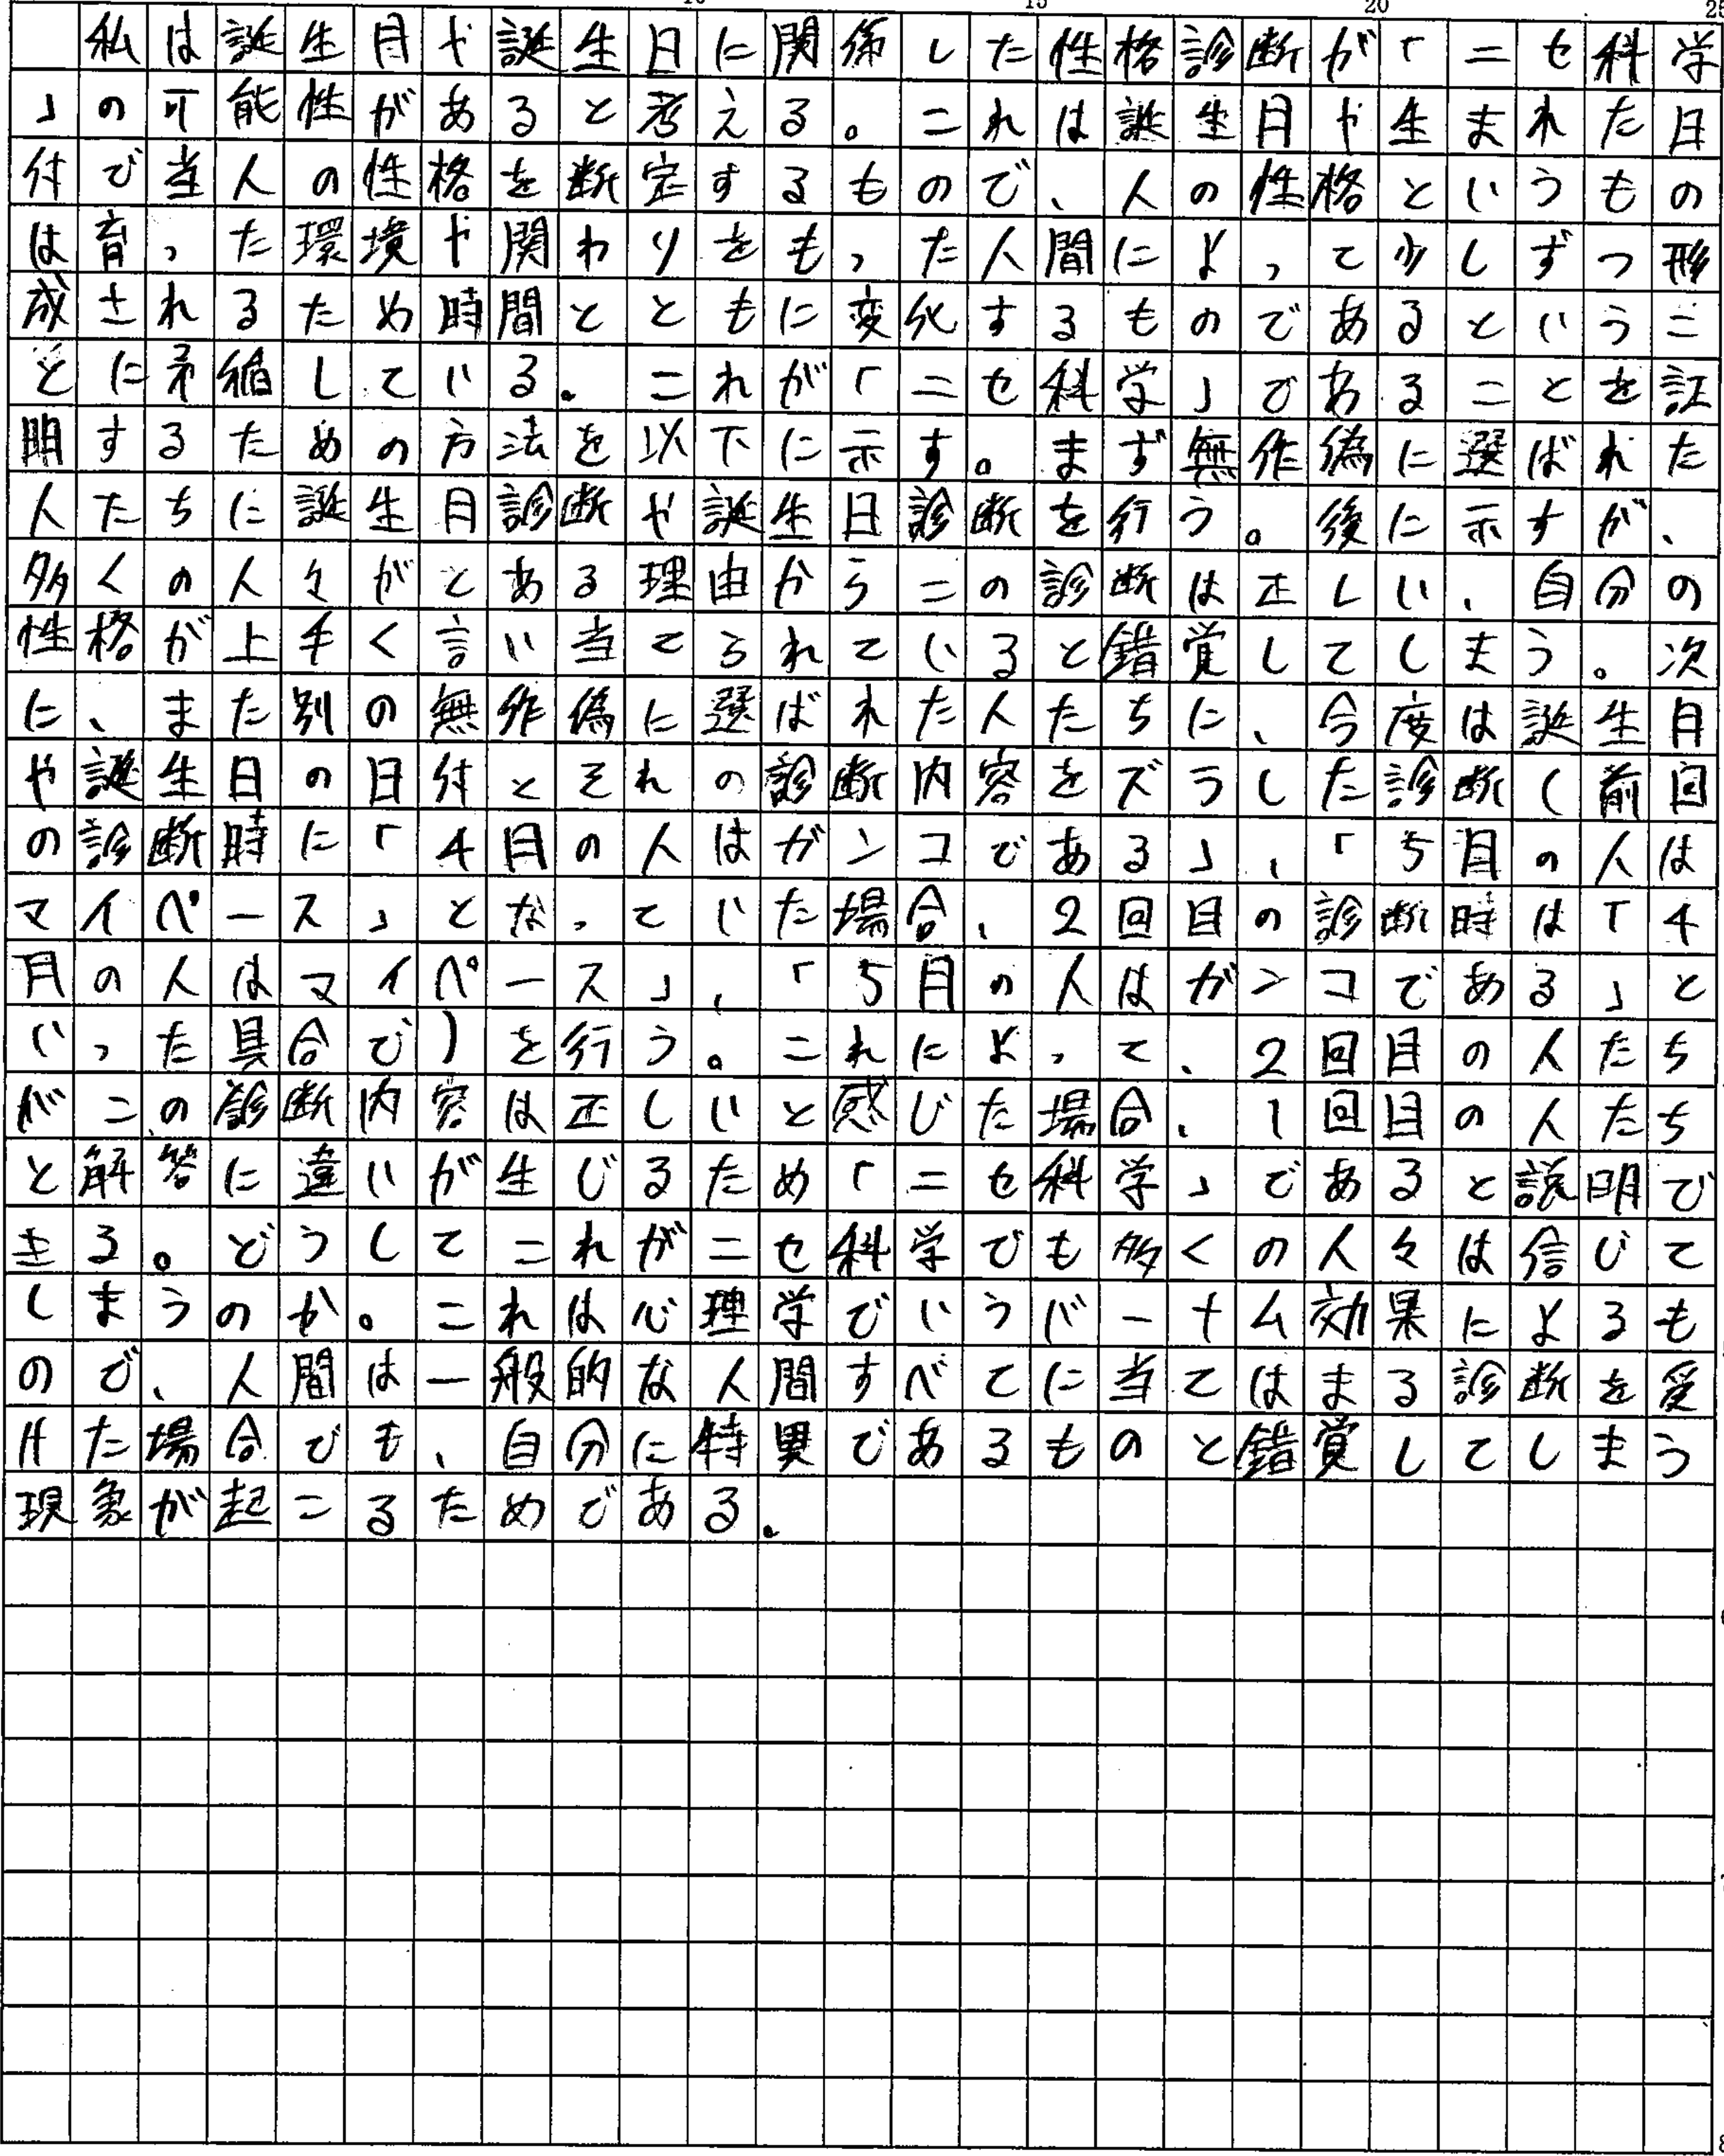　私は誕生月や誕生日に関係した性格診断が「ニセ科学」の可能性があると考える。これは誕生月や生まれた日付で当人の性格を断定するもので、人の性格というものは育った環境や関わりをもった人間によって少しずつ形成されるため時間とともに変化するものであるということに矛循している。これが「ニセ科学」であることを証明するための方法を以下に示す。まず無作偽に選ばれた人たちに誕生月診断や誕生日診断を行う。後に示すが、多くの人々がとある理由からこの診断は正しい、自分の性格が上手く言い当てられていると錯覚してしまう。次に、また別の無作偽に選ばれた人たちに、今度は誕生月や誕生日の日付とそれの診断内容をズラした診断（前回の診断時に「４月の人はガンコである」、「５月の人はマイペース」となっていた場合、２回目の診断時は「４月の人はマイペース」、「５月の人はガンコである」といった具合で）を行う。これによって、２回目の人たちがこの診断内容は正しいと感じた場合、１回目の人たちと解答に違いが生じるため「ニセ科学」であると説明できる。どうしてこれがニセ科学でも多くの人々は信じてしまうのか。これは心理学でいうバーナム効果によるもので、人間は一般的な人間すべてに当てはまる診断を受けた場合でも、自分に特異であるものと錯覚してしまう現象が起こるためである。
